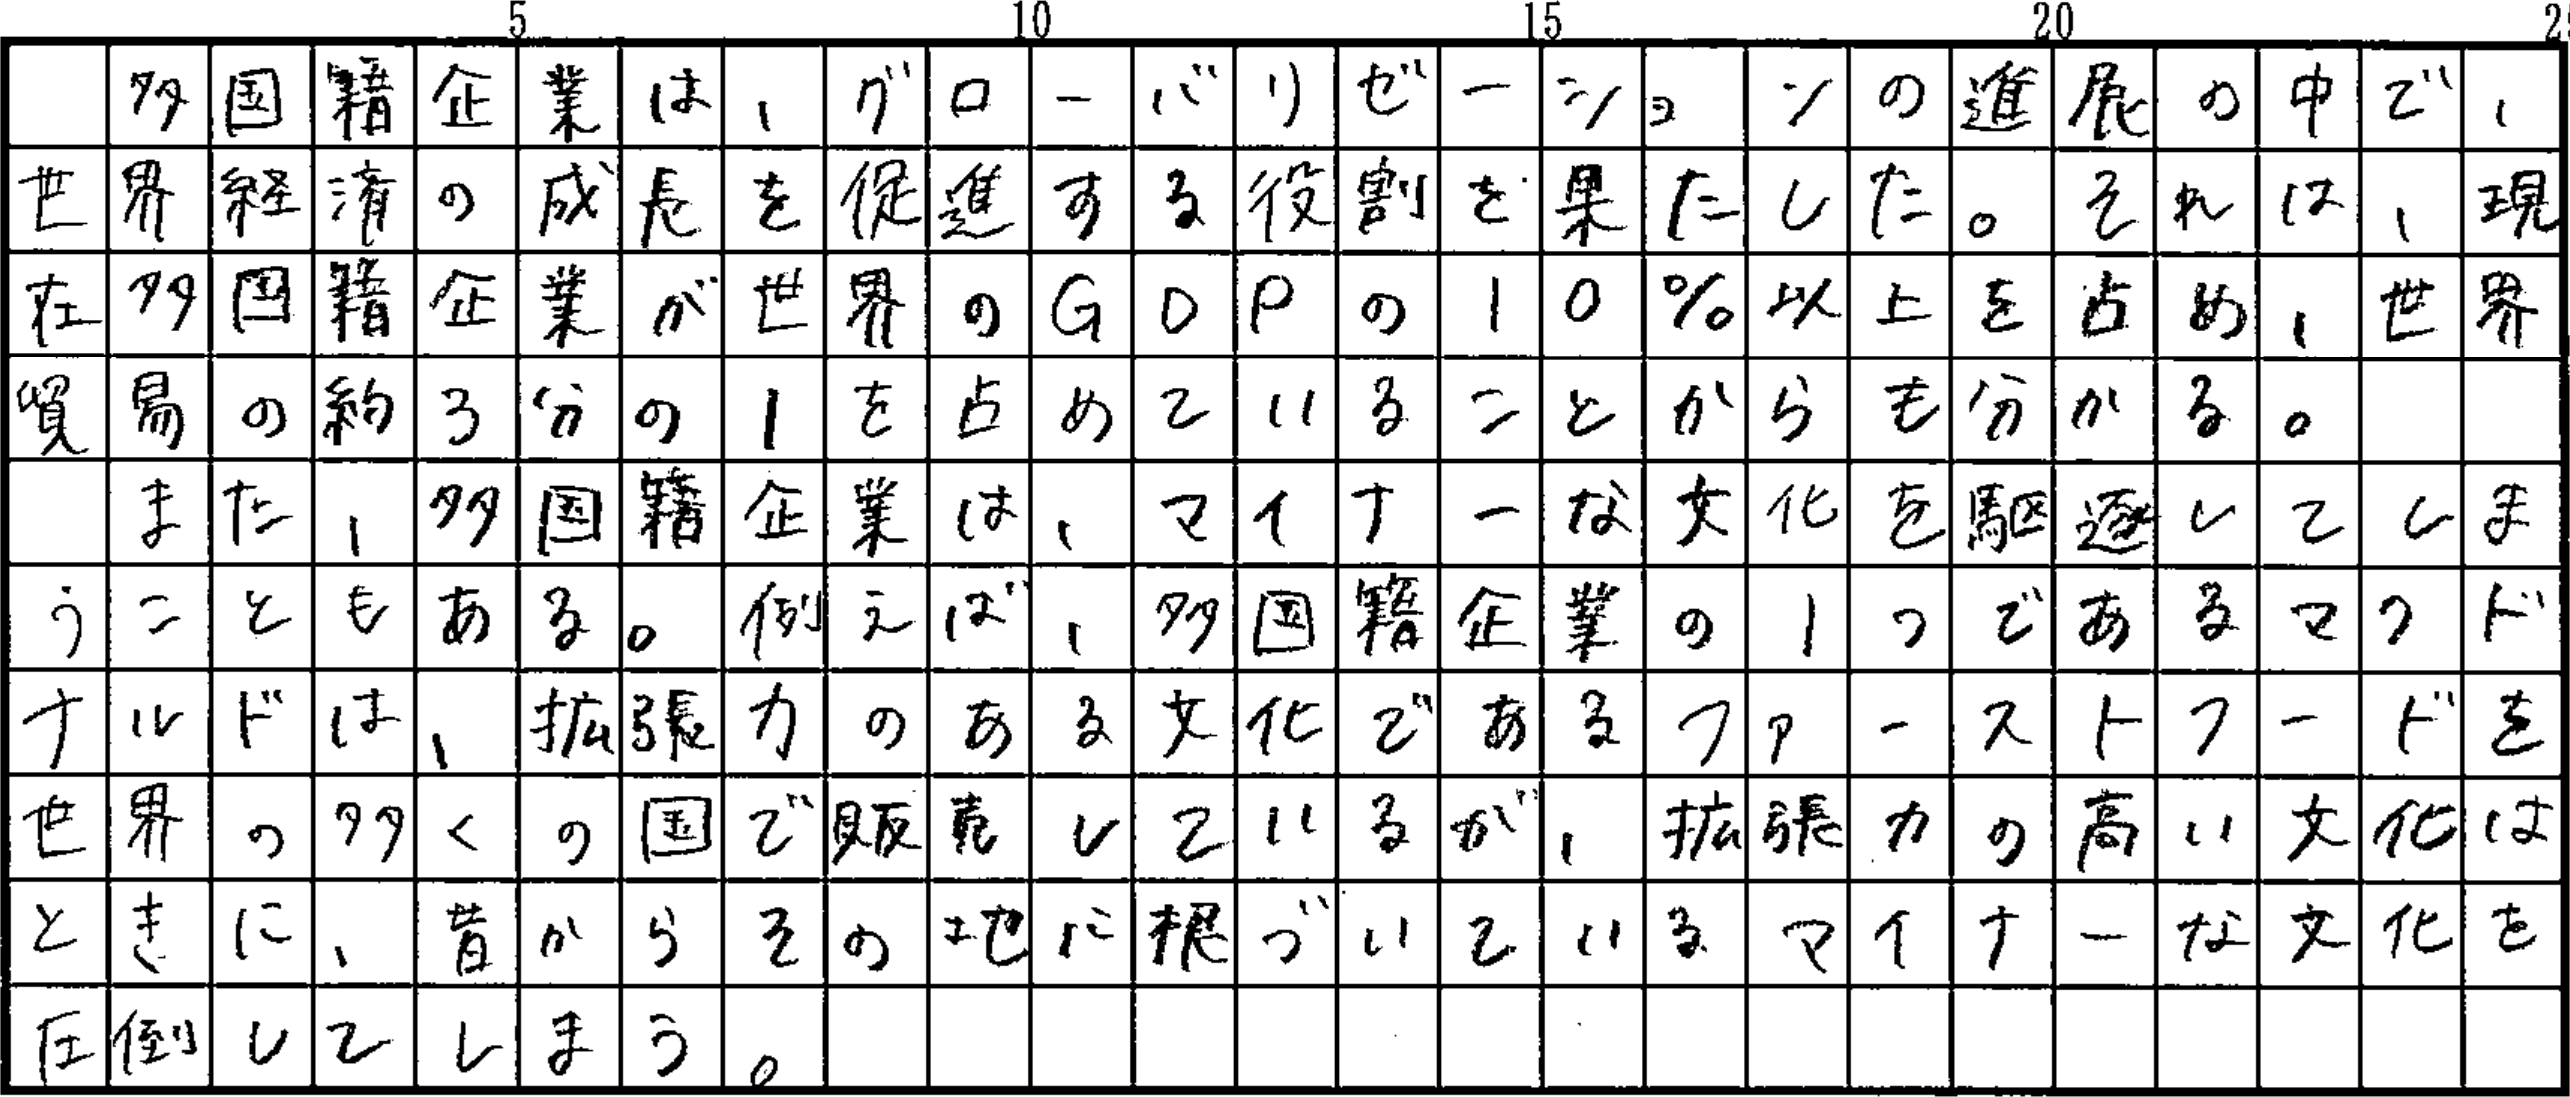　多国籍企業はグローバリゼーションの進展の中で、世界経済の成長を促進する役割を果たした。それは、現在多国籍企業が世界のGDPの１０％以上を占め、世界貿易の約３分の１を占めていることからも分かる。
　また、多国籍企業は、マイナーな文化を駆逐してしまうこともある。例えば、多国籍企業の１つであるマクドナルドは、拡張力のある文化であるファーストフードを世界の多くの国で販売しているが、拡張力の高い文化はときに、昔からその地に根づいているマイナーな文化を圧倒してしまう。
